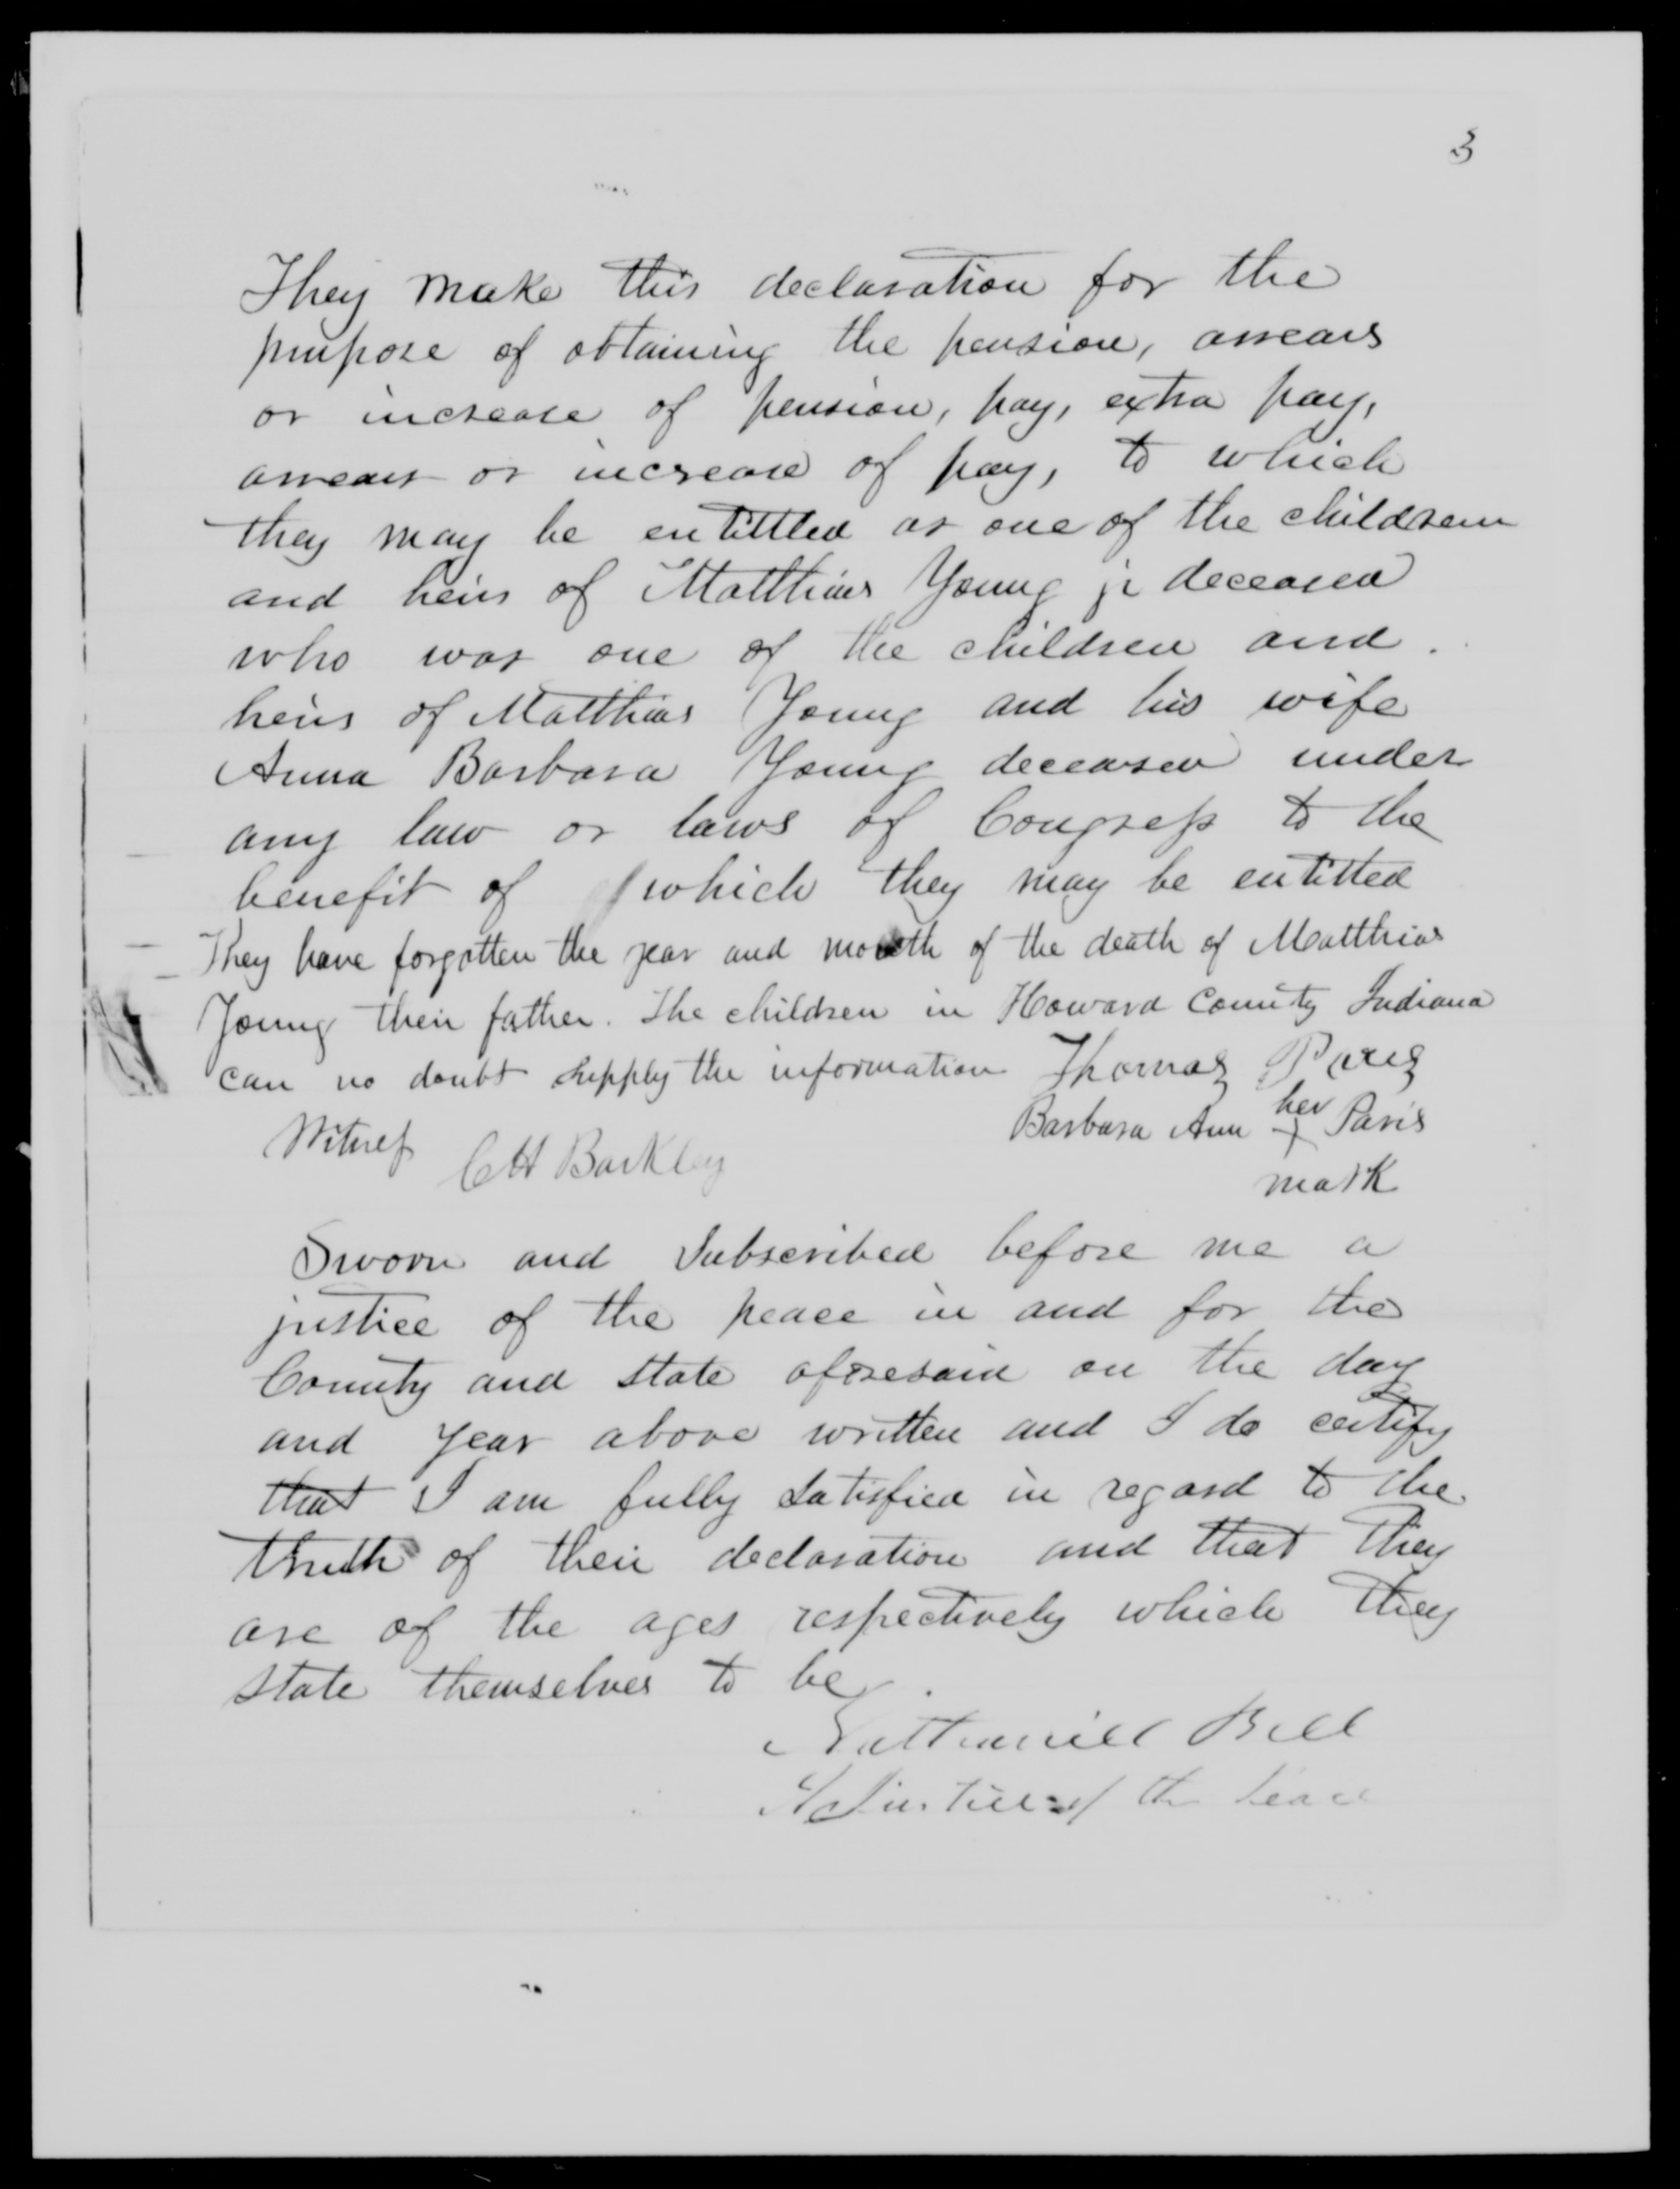They make this declaration for the
purpose of obtaining the pension, arrears
or increase of pension, pay extra pay,
arrears or increase of pay, to which
they may be entitled as one of the children
and heirs of Matthias Young Jr deceased, 
who was one of the children and
heirs of Matthias Young and his wife
Anna Barbara Young deceased, under
any law or laws of Congress to the
benefit of which they may be entitled
They have forgotten the year and month of the death of Matthias Young their father. The children in Howard County Indiana can no doubt supply the information.
Thomas Paris
Barbara Ann her Paris mark
Witness C H Barkley

Sworn and subscribed before me a
justice of the peace in and for the
County and State aforesaid on the day
and year above written and I do certify
that I am fully satisfied in regard to the
that of their declaration and that they
are of the ages respectively which they
State themselves to be
Nathaniel Bell
A Justice of the Peace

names: C H Barkley, Barbara Ann Paris, Thomas Paris, Matthias Young, Nathaniel Bell, Anna Barbara Young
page: 90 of 123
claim: rejected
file: R. 11,949, Matthias Young, Md.